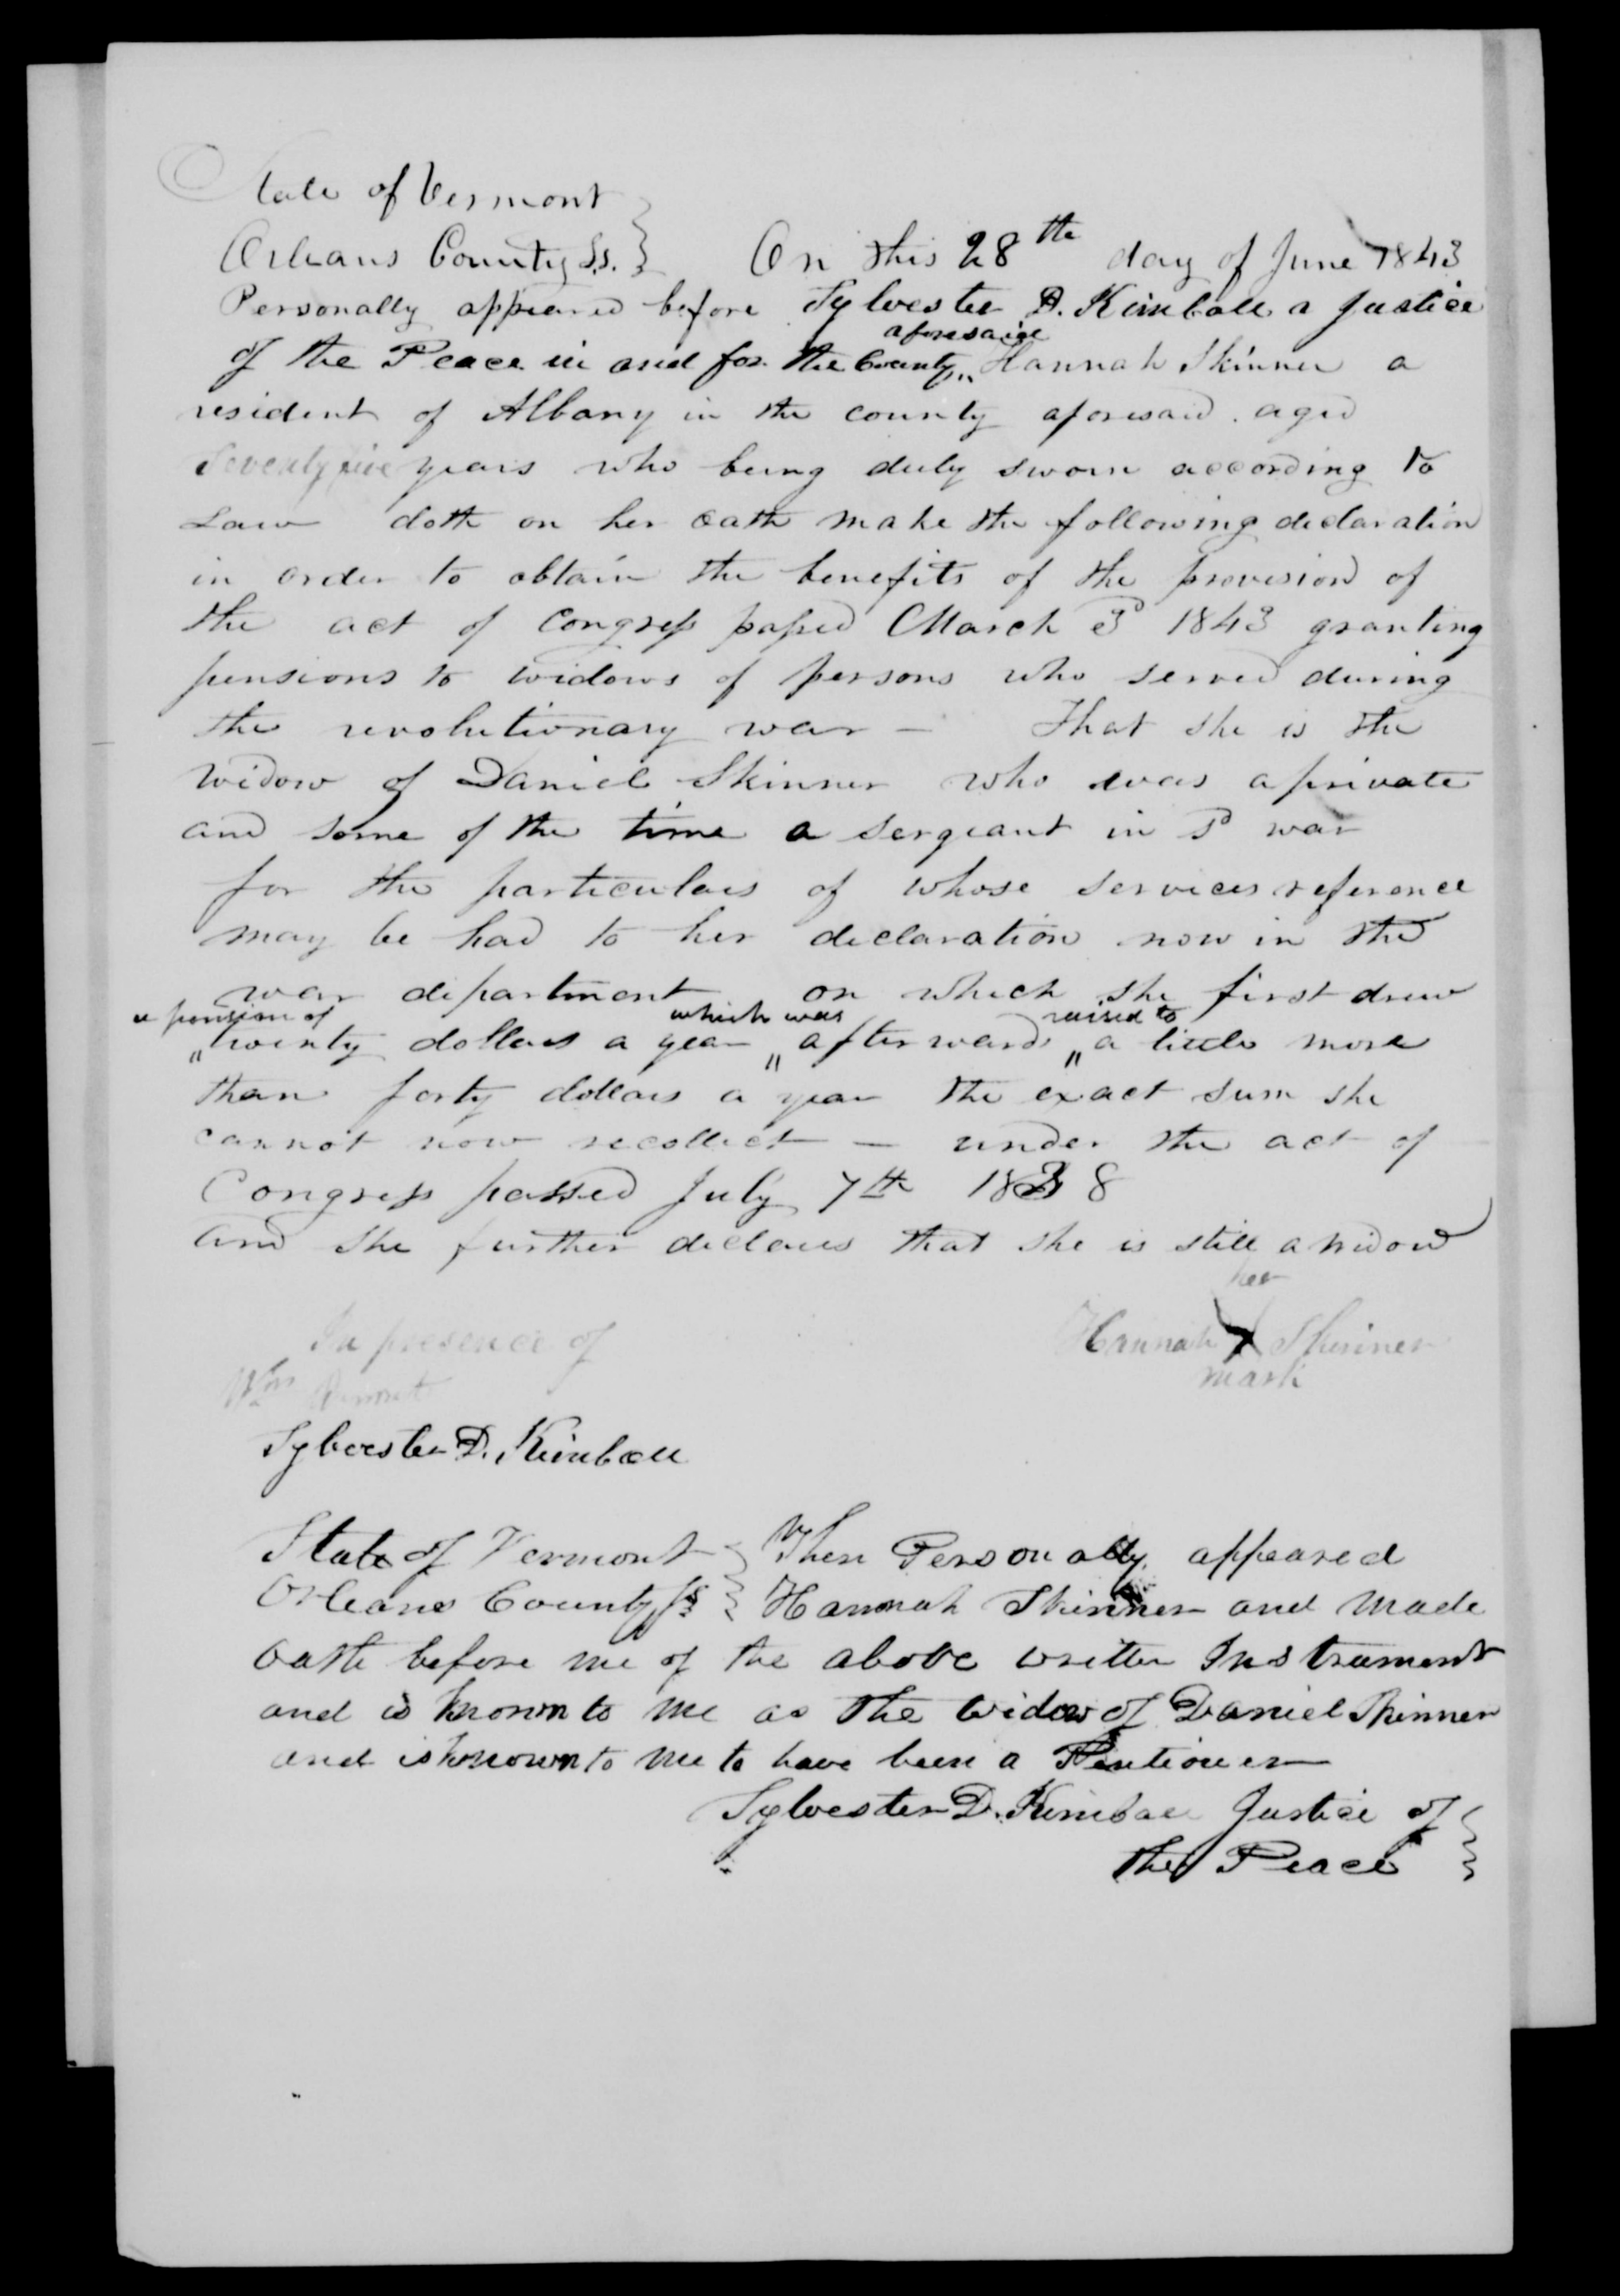State of Vermont
Orleans County SS.
On this 28th  day of June 1843
Personally appeared before Sylvester D. Kimball a Justice
of the Peace in and for the County aforesaid, Hannah Skinner a
resident of Albany in the County aforesaid, aged
Seventy five years who being duly sworn according to
Law doth on her oath make the following declaration
in order to obtain the benefits of the provision of
the act of Congress passed March 3d 1843 granting
pensions to widows of persons who served during the
revolutionary war - That she is the
widow of Daniel Skinner who was a private
and some of the time a Sergeant in sd war
for the particulars of whose services reference
may be had to her declaration now in the
war department on which was which she first drew
a pension of twenty dollars a year which was afterwards raised toa little more
than forty dollars a year the exact sum she
cannot now recollect-- under the act of
Congress passed July 7th 1838
and she further declares that she is still a widow.
(signed) Hannah X Skinner her mark
In presence of 
Wm. (illegible)
Sylvester D. Kimbell
State of Vermont 
Orleans County SS  Then Personally appeared Hannah Skinner and made
oath before me of the above written Instrument
and is known to me as the widow of Daniel Skinner
and is known to me to have been a pensioner.
Sylvester D. Kimball Justice of
the Peace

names: Sylvester D Kimball; Daniel Skinner; Hannah Skinner; Sylvester D Kimball; Hannah Skinner; Daniel Skinner; Hannah Skinner; Sylvester D Kimball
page: 44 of 46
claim: widow's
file: W. 24976, for Daniel Skinner, New Hampshire